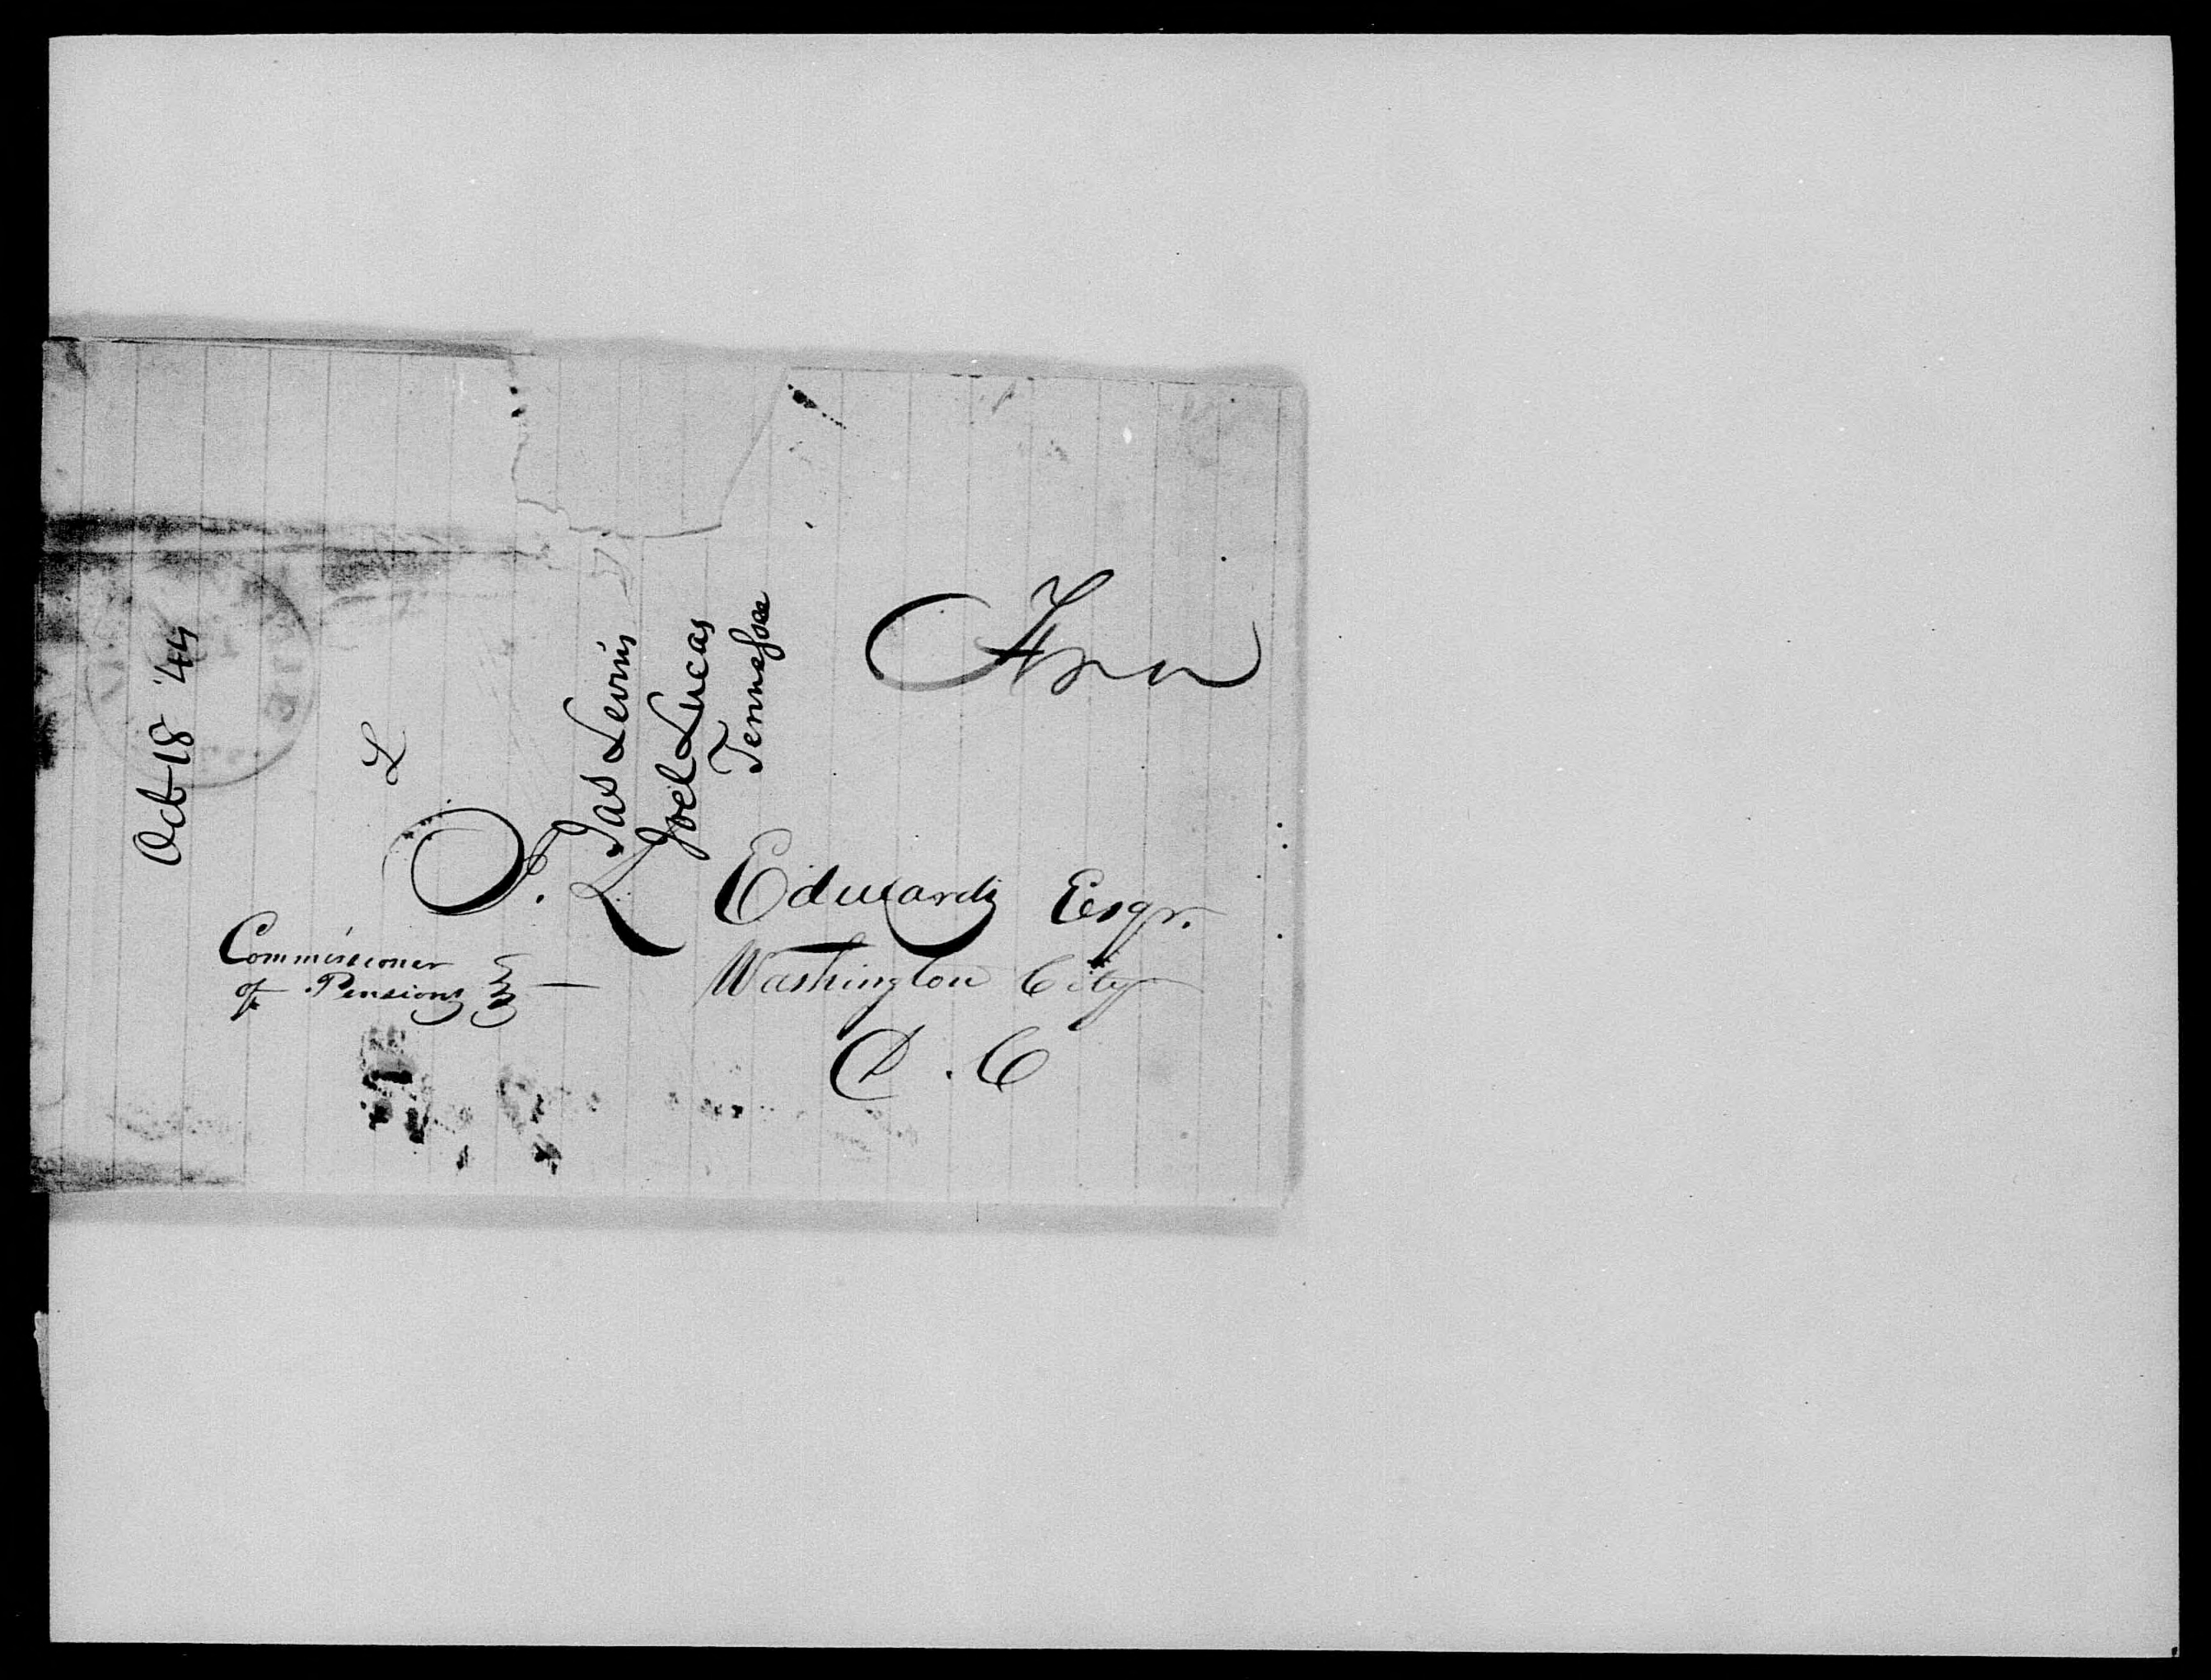Oct 18 '44
L

Jas Levins
Joel Lucas
Tennessee

Hon
J.L. Edwards Esq.
Washington City
D.C.

Commissioner of Pensions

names: Jas Levins; J L Edwards; Joel Lucas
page: 9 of 10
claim: rejected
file: R. 7,607, for James Levins, Georgia